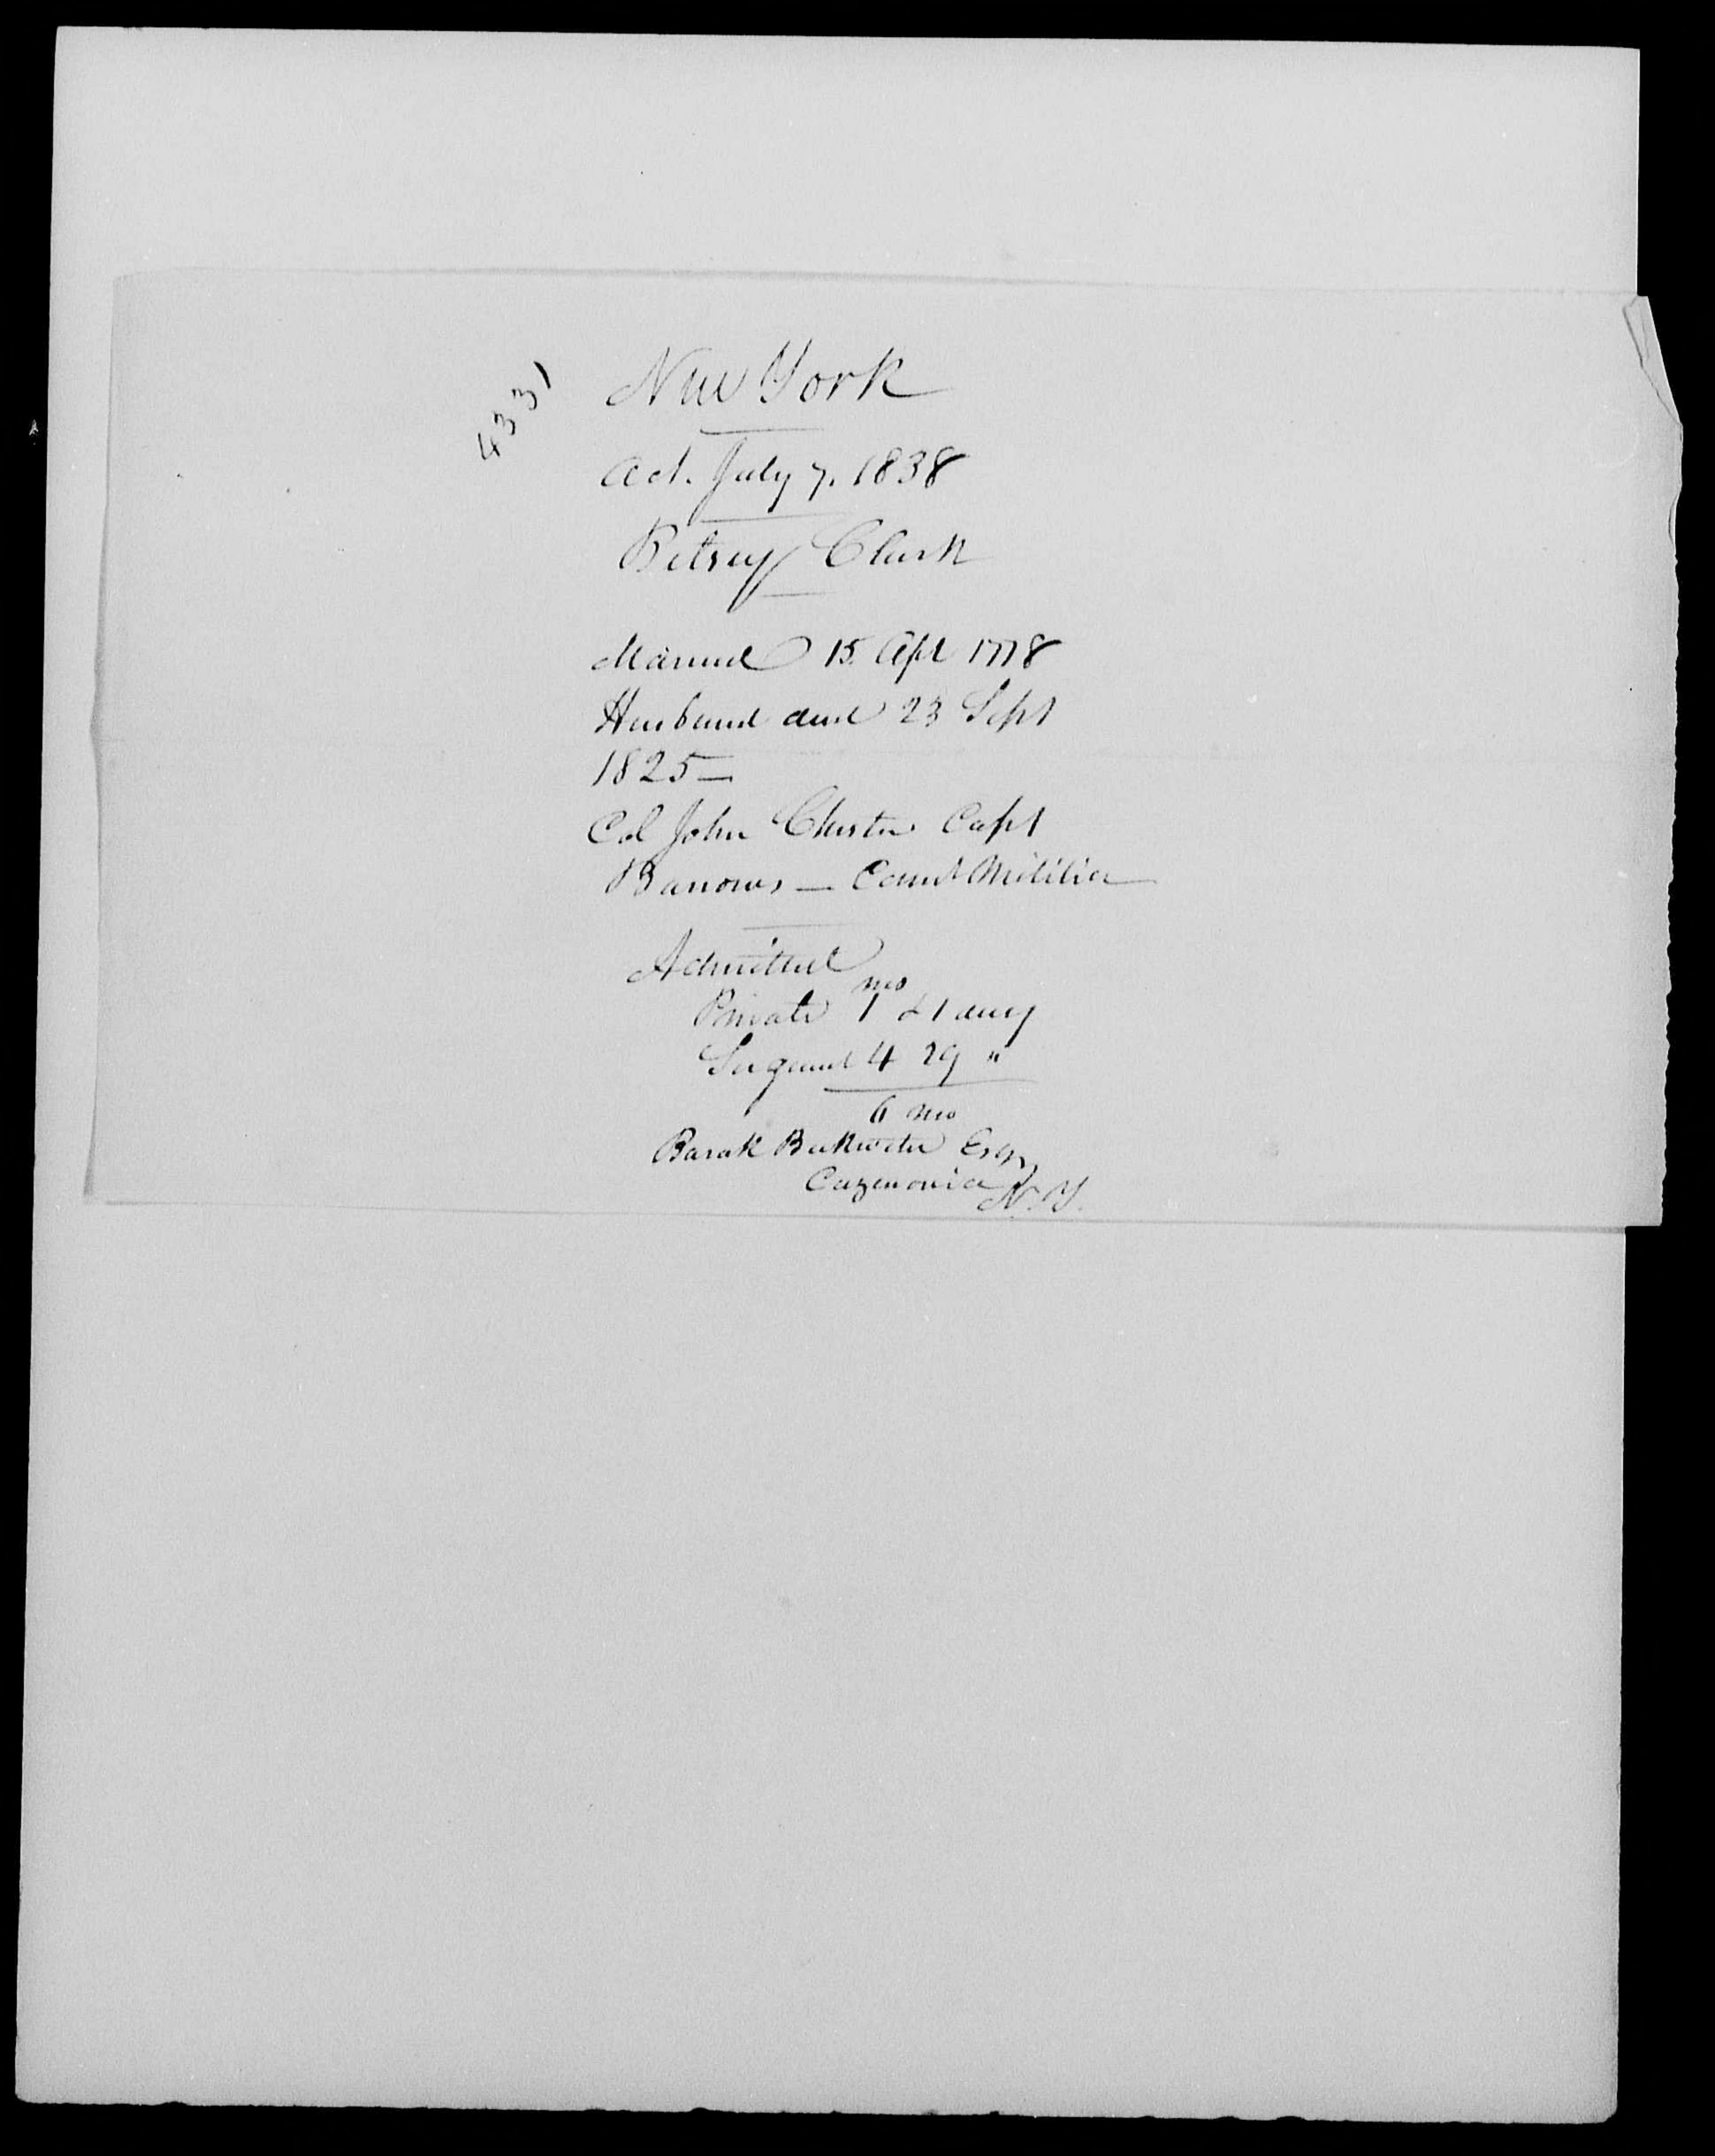[handwritten]
4331
New York
Act. July 7. 1838
Betsey Clark
Married 15. Apr 1778
Husband died 23 Sept
1825 – 
Col John Chester Capt
Barrows_ Connt Militia
Admitted
Private 1 mo & 1 day
Sergeant 4 29 “
6 mo
Barak Beckwith Esq
Cazenovia N.Y.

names: Betsey Clark, John Chester, Barak Beckwith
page: 13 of 51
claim: widow's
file: W. 23816, Oliver Clark, Conn.